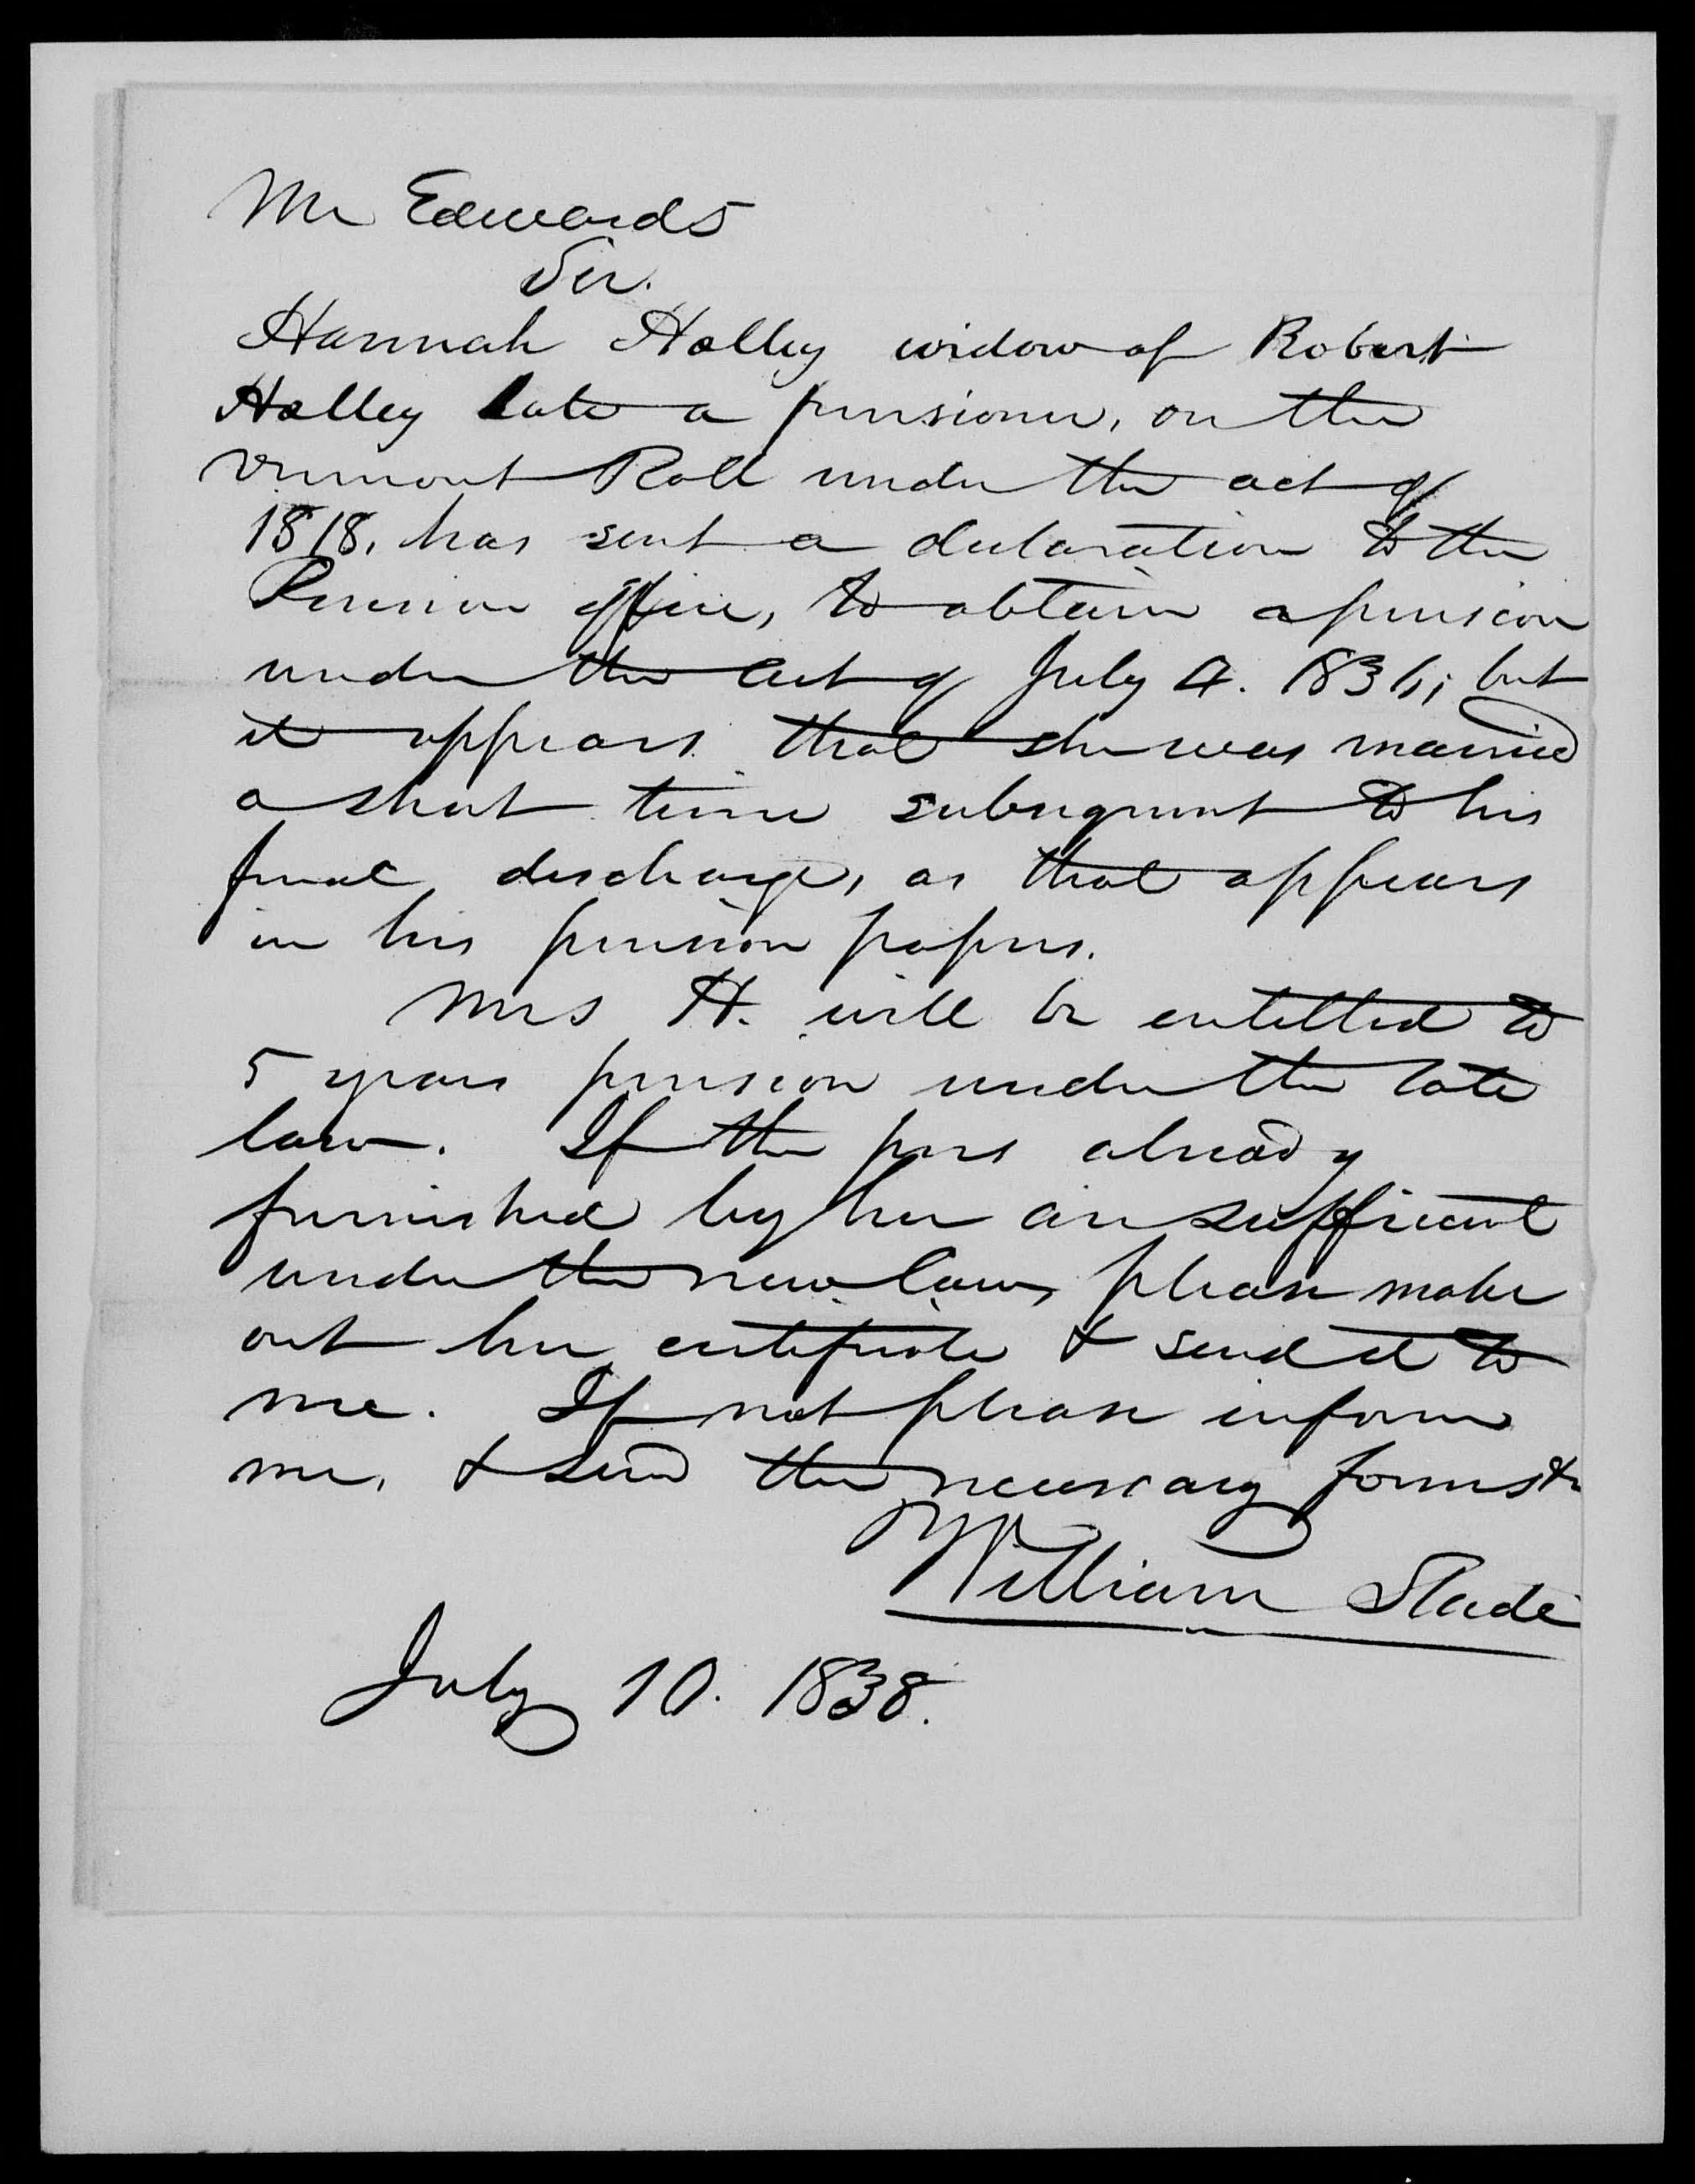Mr Edwards
Sir
Hannah Holley widow of Robert
Holley late a pensioner, on the
Vermont Roll under the act of
1818, has sent a declaration to the
Pension office, to obtain a pension
under the act of July 4. 1836, but 
it appears that she was married
a short time subsequent to his
final discharge, as that appears
in his pension papers
Mrs H. will be entitled to
5 years pension under the late
law. If the form already
furnished by her and sufficient
under the new law, please make
out her certificate & send it to
me. If not pleas inform
me & send the necessary forms
William Slade
July 10. 1838.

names: Edwards, Hannah Holley, Robert Holley, William Slade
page: 26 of 62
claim: widow's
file: W. 21391, Robert Holley, Conn.